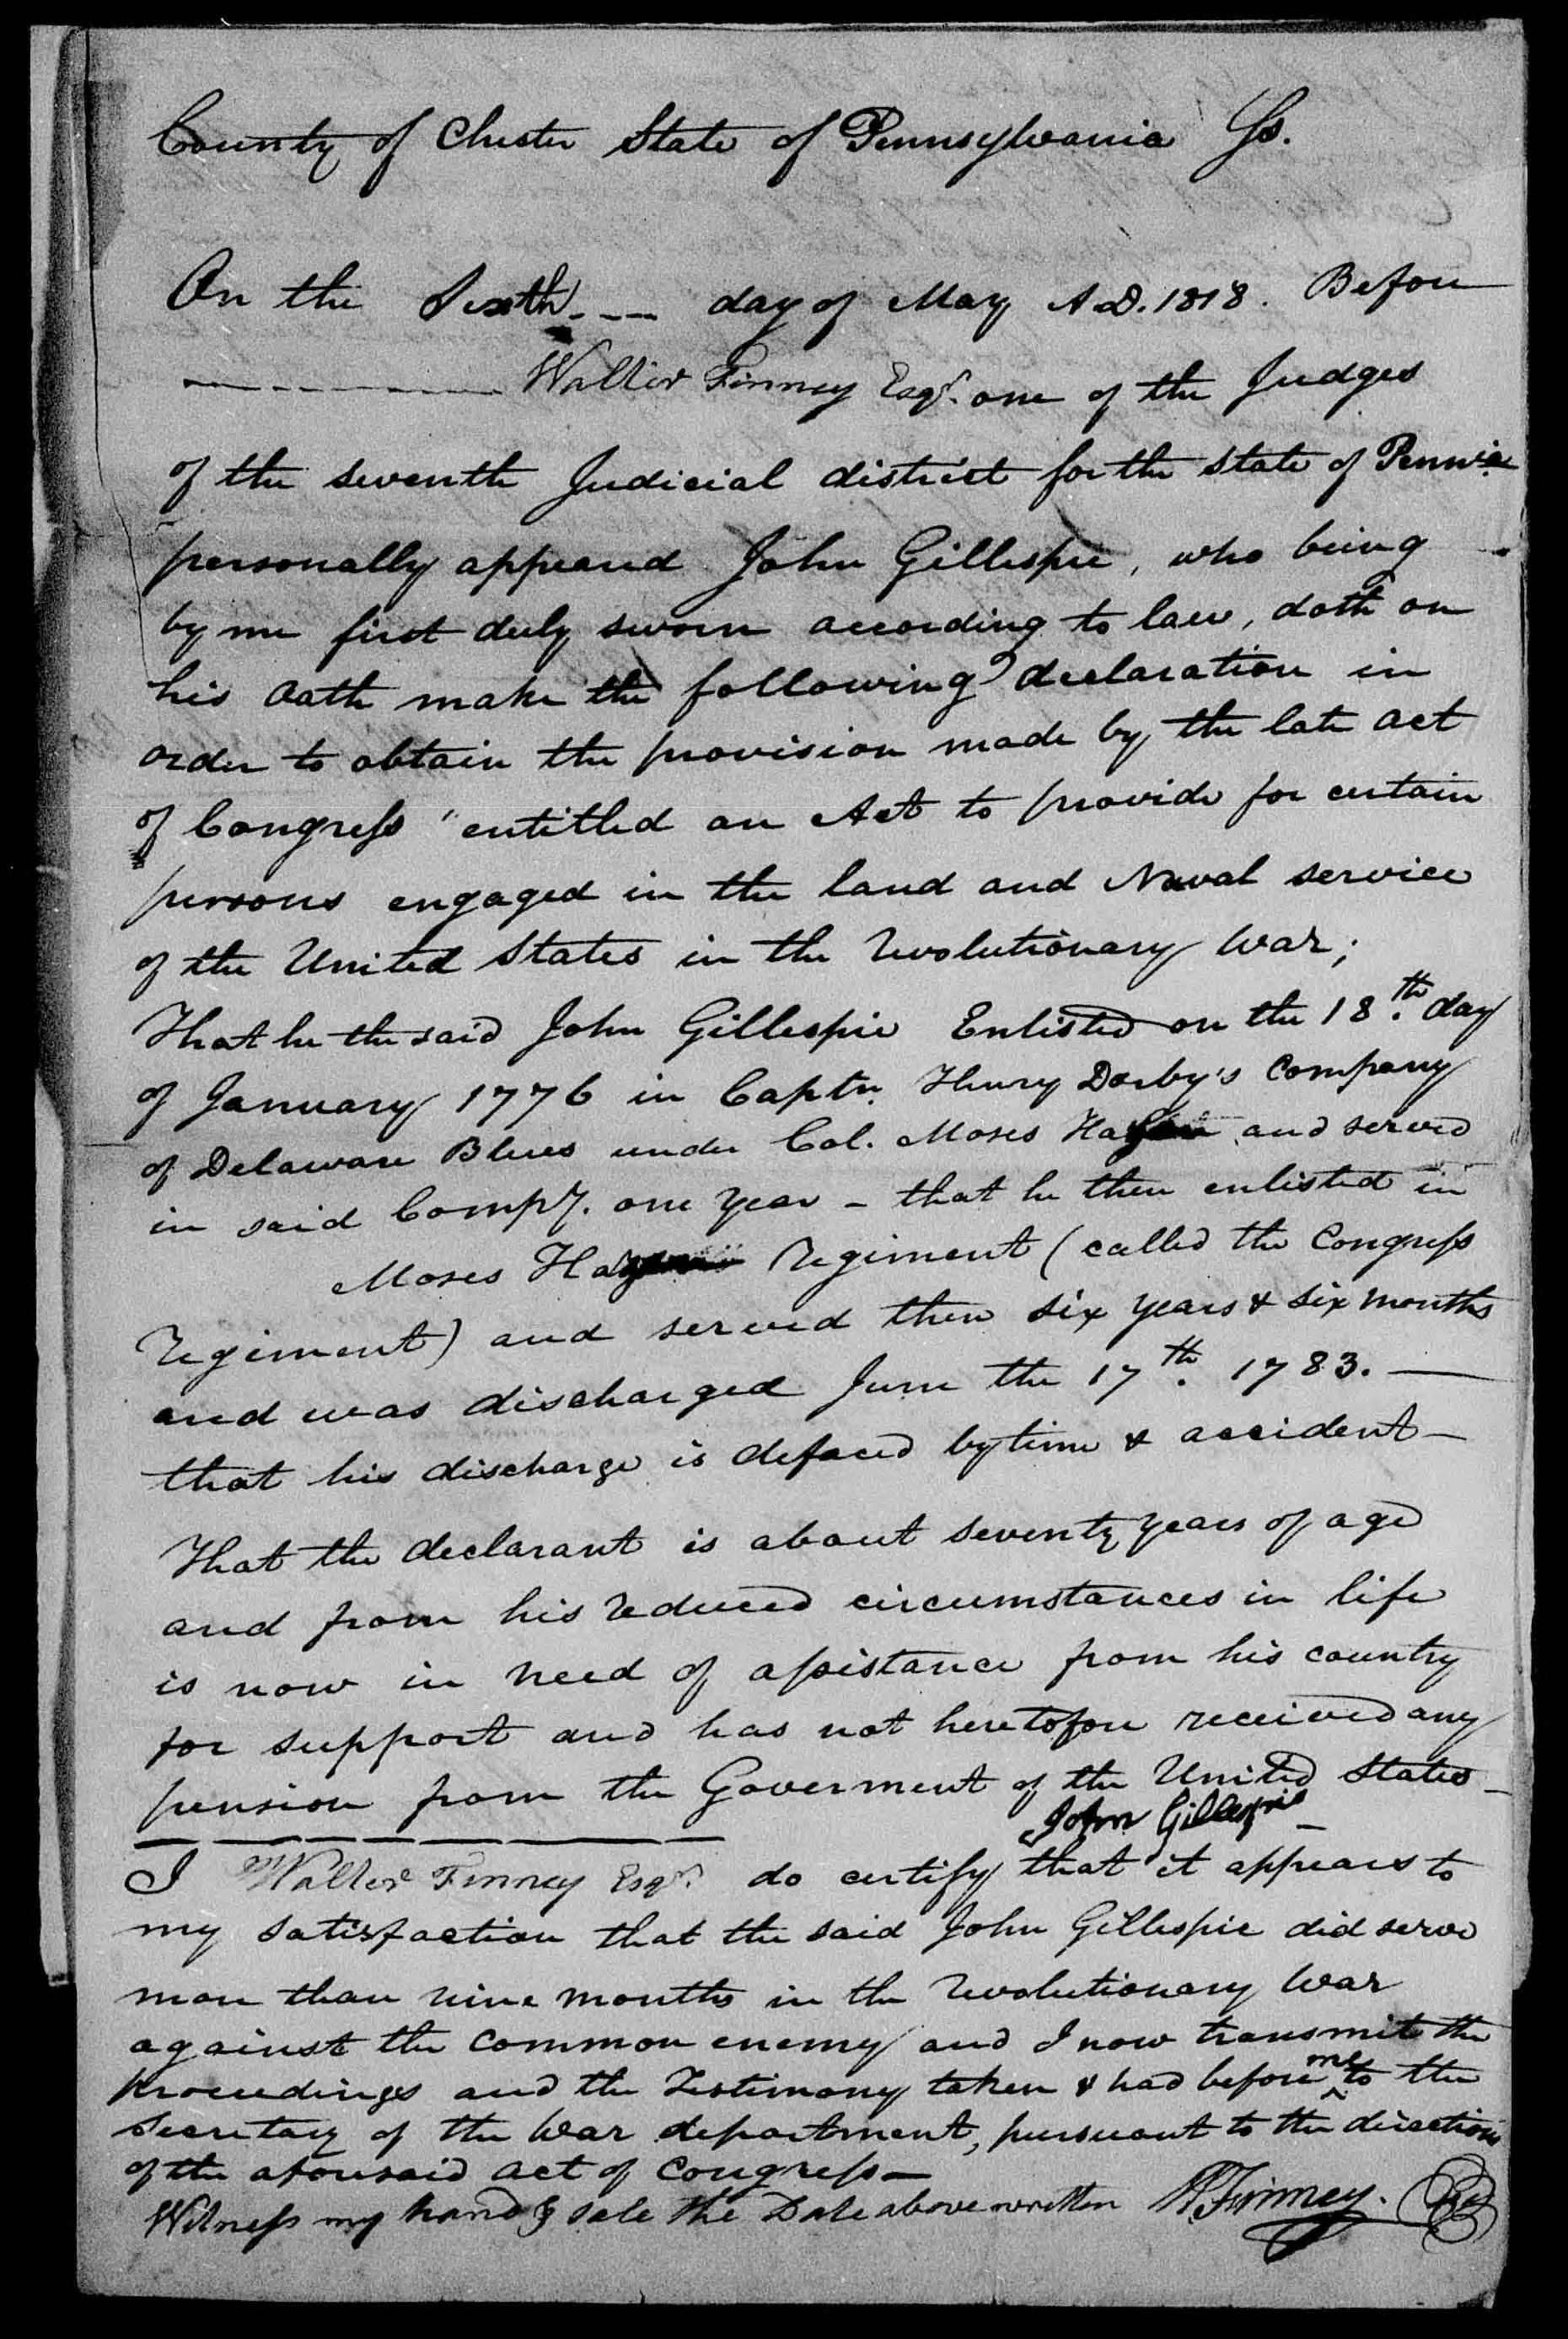County of Chester State of Pennsylvania
On the sixth day of May A.D. 1878. Before Walter Finney Esq. one of the Judges of the Seventh Judicial district for the state of Penns. personally appeared John Gillespie, who being by me first duly sworn according to law, doth on his oath make the following declaration in order to obtain the provision made by the late act of Congress entitled an Act to provide for certain persons engaged in the land and naval service of the United States in the Revolution war; That he the said John Gillespie Enlisted on the 18th day of January 1776 in Capt. Thury Darby's company of Delaware Blues under Col. Moses Hazen and served in said Compy. one year--that he then enlisted in Moses Hazens regiment (called the Congress Regimen) and served there six years and six months and was discharged June the 17th 1783.-- that his discharge is defaced by time & accident- That the declarant is about seventy years of age and from his reduced circumstances in life is now in need of assistance from his country for support and has not heretofore received any pension from the Government of the United States- [signed] John Gillespie
I Walter Finney Esq. do certify that it appears to my satisfaction that the said John Gillespie did serve more than nine months in the Revolutionary War against the common enemy and I now transmit the proceedings and the testimony taken & had before me to the Secretary of the War department, pursuant to the direction of the aforesaid act of Congress-
Witness my hand [illegible] the Date above written. [signed] W. Finney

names: Walter Finney, John Gillespie, Moses Hazen, John Gillespie, John Gillespie, Walter Finney, John Gillespie, W Finney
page: 8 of 20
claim: survivor's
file: S. 41581, John Gillespie, Continental Del.